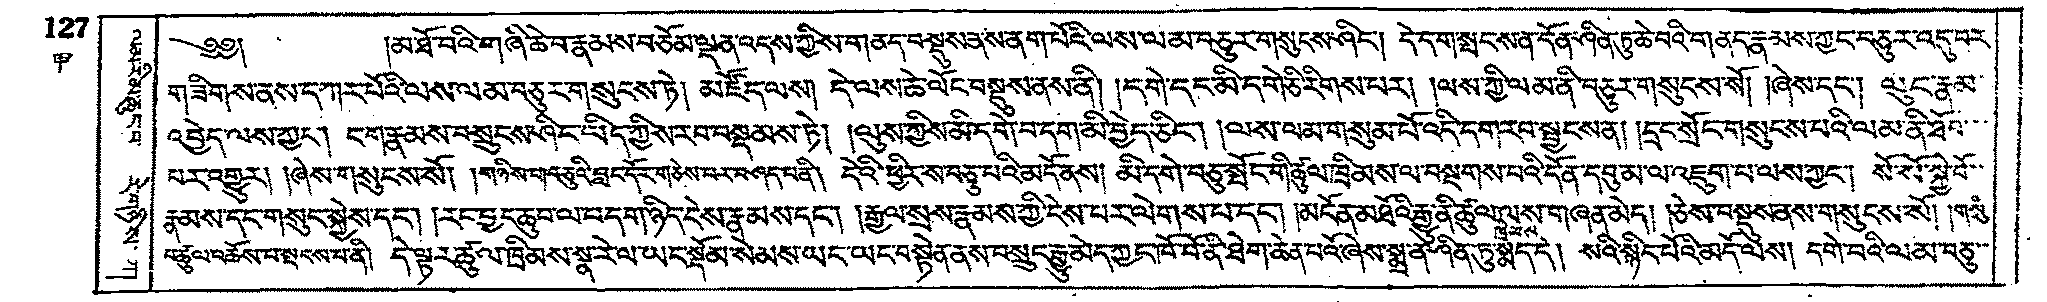༄༅། །མ་ཐོ་བའི་གཞི་ཆེ་བ་རྣམས་བཅོམ་ལྡན་འདས་ཀྱིས་གནད་བསྡུས་ནས་ནག་པོའི་ལས་ལམ་བཅུར་གསུངས་ཤིང་། དེ་དག་སྤངས་ན་དོན་ཤིན་ཏུ་ཆེ་བའི་གནད་རྣམས་ཀྱང་བཅུར་འདུ་བར་
གཟིགས་ནས་དཀར་པོའི་ལས་ལམ་བཅུར་གསུངས་ཏེ། མཛོད་ལས། དེ་ལས་ཆེ་ལོང་བསྡུས་ནས་ནི། །དགེ་དང་མི་དགེ་ཅི་རིགས་པར། །ལས་ཀྱི་ལམ་ནི་བཅུར་གསུངས་སོ། །ཞེས་དང་། ལུང་རྣམ་
འབྱེད་ལས་ཀྱང་། ངག་རྣམས་བསྲུངས་ཤིང་ཡིད་ཀྱིས་རབ་བསྡམས་ཏེ། །ལུས་ཀྱིས་མི་དགེ་བ་དག་མི་བྱེད་ཅིང་། །ལས་ལམ་གསུམ་པོ་འདི་དག་རབ་སྦྱངས་ན། །དྲང་སྲོང་གསུངས་པའི་ལམ་ནི་ཐོབ་
པར་འགྱུར། །ཞེས་གསུངས་སོ། །གཉིས་པ་བཅུའི་བླང་དོར་གཅེས་པར་བཤད་པ་ནི།  དེའི་ཕྱིར་ས་བཅུ་པའི་མདོ་ནས། མི་དགེ་བཅུ་སྤོང་གི་ཚུལ་ཁྲིམས་ལ་བསྔགས་པའི་དོན་དབུ་མ་ལ་འཇུག་པ་ལས་ཀྱང་། སོ་སོ་སྐྱེ་བོ་
རྣམས་དང་གསུང་སྐྱེས་དང་། །རང་བྱང་ཆུབ་ལ་བདག་ཉིད་དེས་རྣམས་དང་། །རྒྱལ་སྲས་རྣམས་ཀྱི་ངེས་པར་ལེགས་པ་དང་། །མངོན་མཐོའི་རྒྱུ་ནི་ཚུལ་ཁྲིམས་ལས་གཞན་མེད། །ཅེས་བསྡུས་ནས་གསུངས་སོ། །གསུཾ་
པ་ཚུལ་འཆོས་པ་སྡངས་པ་ནི། དེ་ལྟར་ཚུལ་ཁྲིམས་སྣ་རེ་ལ་ཡང་སྡོམ་སེམས་ཡང་ཡང་བསྟེན་ནས་བསྲུང་རྒྱུ་མེད་ཀྱང་ཁོ་བོ་ནི་ཐེག་ཆེན་པའོ་ཞེས་སྨྲ་ནི་ཤིན་ཏུ་སྨད་དེ། སའི་སྙིང་པོའི་མདོ་ལས། དགེ་བའི་ལམ་བཅུ་